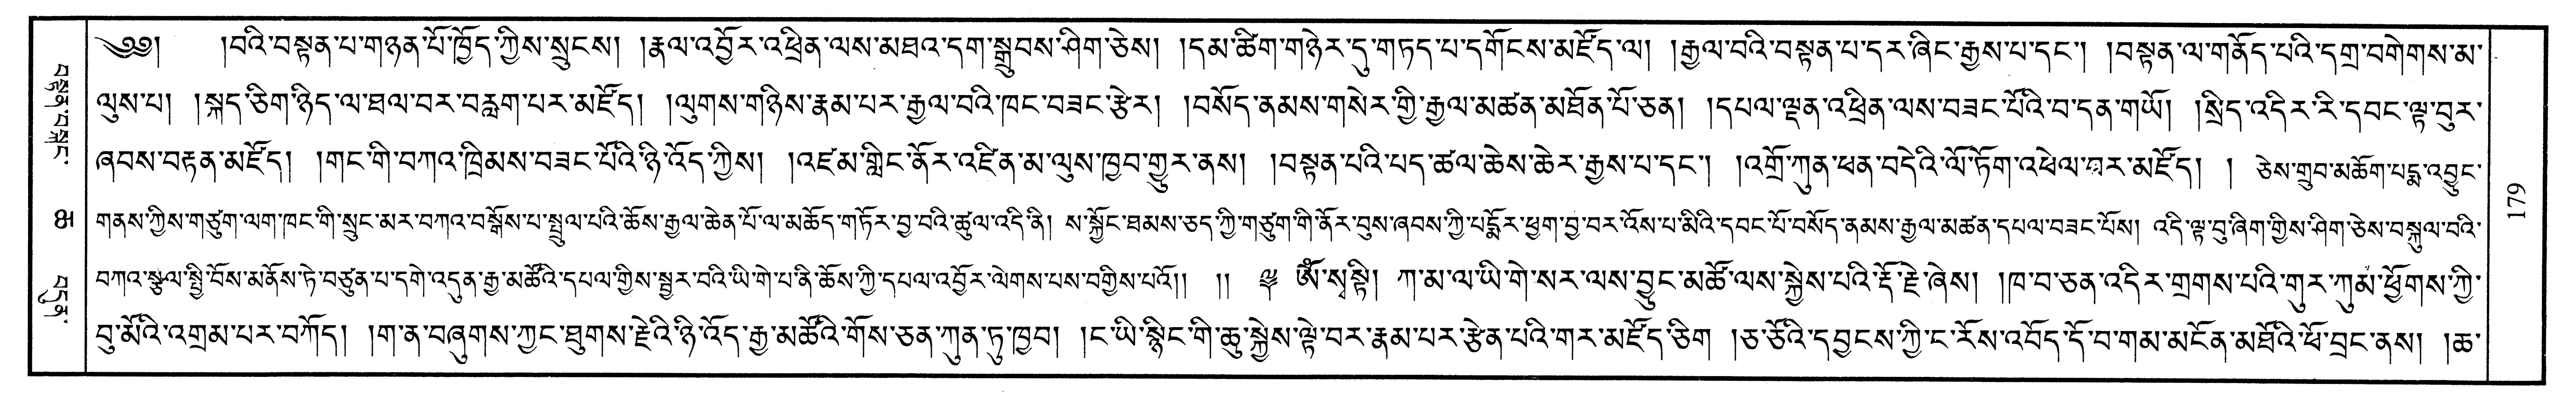༄༅། །བའི་བསྟན་པ་གཉན་པོ་ཁྱོད་ཀྱིས་སྲུངས། །རྣལ་འབྱོར་འཕྲིན་ལས་མཐའ་དག་སྒྲུབས་ཤིག་ཅེས། །དམ་ཚིག་གཉེར་དུ་གཏད་པ་དགོངས་མཛོད་ལ། །རྒྱལ་བའི་བསྟན་པ་དར་ཞིང་རྒྱས་པ་དང་། །བསྟན་ལ་གནོད་པའི་དགྲ་བགེགས་མ་
ལུས་པ། །སྐད་ཅིག་ཉིད་ལ་ཐལ་བར་བརླག་པར་མཛོད། །ལུགས་གཉིས་རྣམ་པར་རྒྱལ་བའི་ཁང་བཟང་རྩེར། །བསོད་ནམས་གསེར་གྱི་རྒྱལ་མཚན་མཐོན་པོ་ཅན། །དཔལ་ལྡན་འཕྲིན་ལས་བཟང་པོའི་བ་དན་གཡོ། །སྲིད་འདིར་རི་དབང་ལྟ་བུར་
ཞབས་བརྟན་མཛོད། །གང་གི་བཀའ་ཁྲིམས་བཟང་པོའི་ཉི་འོད་ཀྱིས། །འཛམ་གླིང་ནོར་འཛིན་མ་ལུས་ཁྱབ་གྱུར་ནས། །བསྟན་པའི་པད་ཚལ་ཆེས་ཆེར་རྒྱས་པ་དང་། །འགྲོ་ཀུན་ཕན་བདེའི་ལོ་ཏོག་འཕེལ་བར་མཛོད། །ཅེས་གྲུབ་མཆོག་པདམ་འབྱུང་
གནས་ཀྱིས་གཙུག་ལག་ཁང་གི་སྲུང་མར་བཀའ་བསྒོས་པ་སྤྲུལ་པའི་ཆོས་རྒྱལ་ཆེན་པོ་ལ་མཆོད་གཏོར་བྱ་བའི་ཚུལ་འདི་ནི། ས་སྐྱོང་ཐམས་ཅད་ཀྱི་གཙུག་གི་ནོར་བུས་ཞབས་ཀྱི་པདམོར་ཕྱག་བྱ་བར་འོས་པ་མིའི་དབང་པོ་བསོད་ནམས་རྒྱལ་མཚན་དཔལ་བཟང་པོས། འདི་ལྟ་བུ་ཞིག་གྱིས་ཤིག་ཅེས་བསྐུལ་བའི་
བཀའ་སྩལ་སྤྱི་བོས་མནོས་ཏེ་བཙུན་པ་དགེ་འདུན་རྒྱ་མཚོའི་དཔལ་གྱིས་སྦྱར་བའི་ཡི་གེ་པ་ནི་ཆོས་ཀྱི་དཔལ་འབྱོར་ལེགས་པས་བགྱིས་པའོ།། །། ༈ ཨོཾ་སྭསྟི། ཀ་མ་ལ་ཡི་གེ་སར་ལས་བྱུང་མཚོ་ལས་སྐྱེས་པའི་རྡོ་རྗེ་ཞེས། །ཁ་བ་ཅན་འདིར་གྲགས་པའི་གུར་ཀུམ་ཕྱོགས་ཀྱི་
བུ་མོའི་འགྲམ་པར་བཀོད། །ག་ན་བཞུགས་ཀྱང་ཐུགས་རྗེའི་ཉི་འོད་རྒྱ་མཚོའི་གོས་ཅན་ཀུན་ཏུ་ཁྱབ། །ང་ཡི་སྙིང་གི་ཆུ་སྐྱེས་ལྟེ་བར་རྣམ་པར་རྩེན་པའི་གར་མཛོད་ཅིག །ཅ་ཅོའི་དབྱངས་ཀྱི་ང་རོས་འབོད་དོ་བ་གམ་མངོན་མཐོའི་ཕོ་བྲང་ནས། །ཆ་